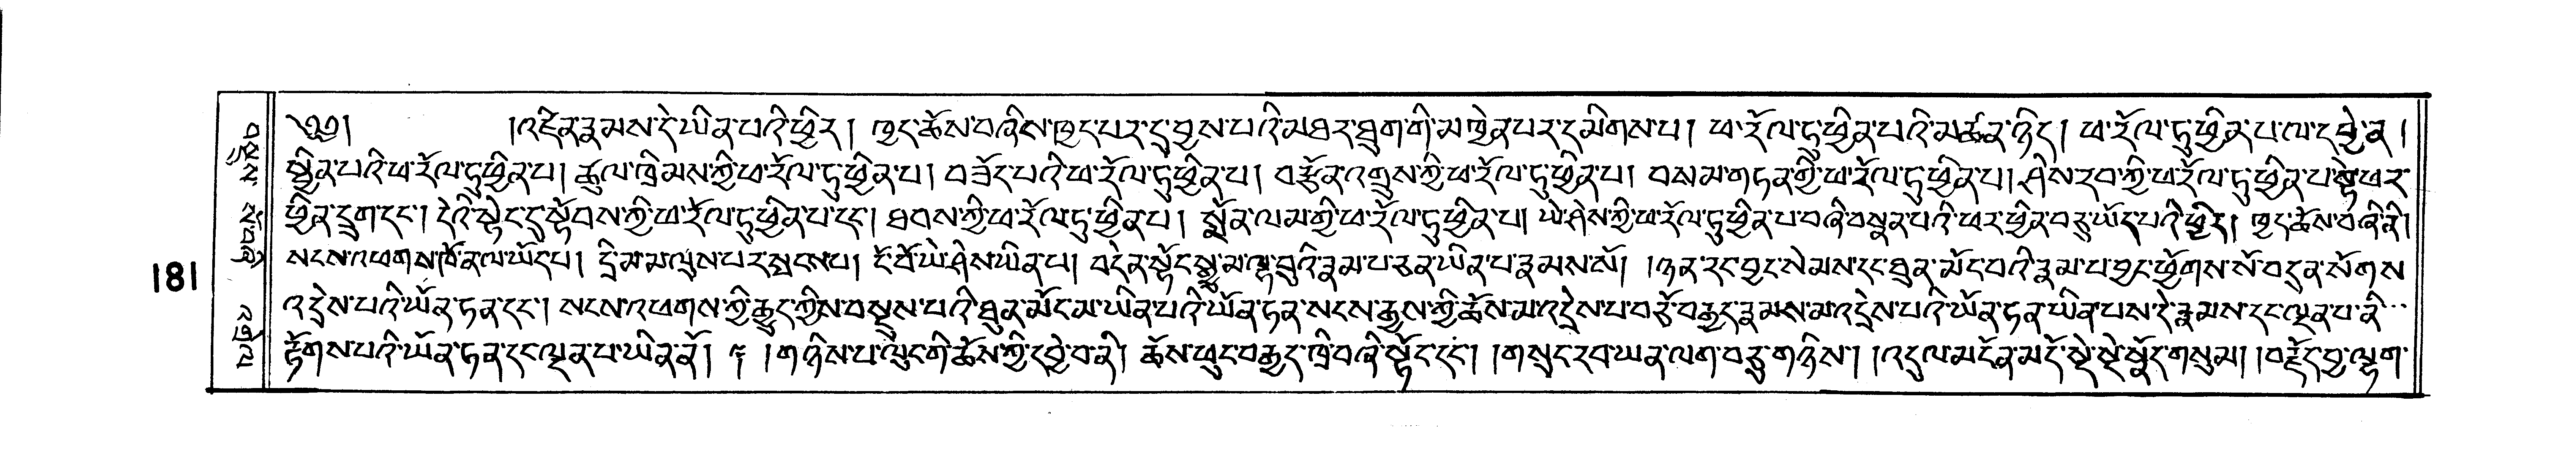༄༅། །འཛིན་རྣམས་དེ་ཡིན་པའི་ཕྱིར། ཁྱད་ཆོས་བཞིས་ཁྱད་པར་དུ་བྱས་པའི་མཐར་ཐུག་གི་མཁྱེན་པར་དམིགས་པ། ཕ་རོལ་ཏུ་ཕྱིན་པའི་མཚན་ཉིད། ཕ་རོལ་ཏུ་ཕྱིན་པ་ལ་དབྱེ་ན།
སྦྱིན་པའི་ཕ་རོལ་ཏུ་ཕྱིན་པ། ཚུལ་ཁྲིམས་ཀྱི་ཕ་རོལ་ཏུ་ཕྱིན་པ། བཟོད་པའི་ཕ་རོལ་ཏུ་ཕྱིན་པ། བརྩོན་འགྲུས་ཀྱི་ཕ་རོལ་ཏུ་ཕྱིན་པ། བསམ་གཏན་གྱི་ཕ་རོལ་ཏུ་ཕྱིན་པ། ཤེས་རབ་ཀྱི་ཕ་རོལ་ཏུ་ཕྱིན་པ་སྟེ་ཕར་
ཕྱིན་དྲུག་དང་། དེའི་སྟེང་དུ་སྟོབས་ཀྱི་ཕ་རོལ་ཏུ་ཕྱིན་པ་དང་། ཐབས་ཀྱི་ཕ་རོལ་ཏུ་ཕྱིན་པ། སྨོན་ལམ་གྱི་ཕ་རོལ་ཏུ་ཕྱིན་པ། ཡེ་ཤེས་ཀྱི་ཕ་རོལ་ཏུ་ཕྱིན་པ་བཞི་བསྣན་པའི་ཕར་ཕྱིན་བཅུ་ཡོད་པའི་ཕྱིར། ཁྱད་ཆོས་བཞི་ནི།
སངས་འཕགས་ཁོ་ན་ལ་ཡོད་པ། དྲི་མ་མ་ལུས་པར་སྤངས་པ། ངོ་བོ་ཡེ་ཤེས་ཡིན་པ། བདེན་སྟོང་སྒྱུ་མ་ལྟ་བུའི་རྣམ་པ་ཅན་ཡིན་པ་རྣམས་སོ། །ཉན་རང་བྱང་སེམས་དང་ཐུན་མོང་བའི་རྣམ་པ་བྱང་ཕྱོགས་སོ་བདུན་སོགས་
འདྲེས་པའི་ཡོན་ཏན་དང་། སངས་འཕགས་ཀྱི་རྒྱུད་ཀྱིས་བསྡུས་པའི་ཐུན་མོང་མ་ཡིན་པའི་ཡོན་ཏན་སངས་རྒྱས་ཀྱི་ཆོས་མ་འདྲེས་པ་བཅོ་བརྒྱད་རྣམས་མ་འདྲེས་པའི་ཡོན་ཏན་ཡིན་པས་དེ་རྣམས་དང་ལྡན་པ་ནི་
རྟོགས་པའི་ཡོན་ཏན་དང་ལྡན་པ་ཡིན་ནོ། ༈ །གཉིས་པ་ལུང་གི་ཆོས་ཀྱི་དབྱེ་བ་ནི། ཆོས་ཕུང་བརྒྱད་ཁྲི་བཞི་སྟོང་དང་། །གསུང་རབ་ཡན་ལག་བཅུ་གཉིས། །འདུལ་མངོན་མདོ་སྡེ་སྡེ་སྣོད་གསུམ། །བརྗོད་བྱ་ལྷག་